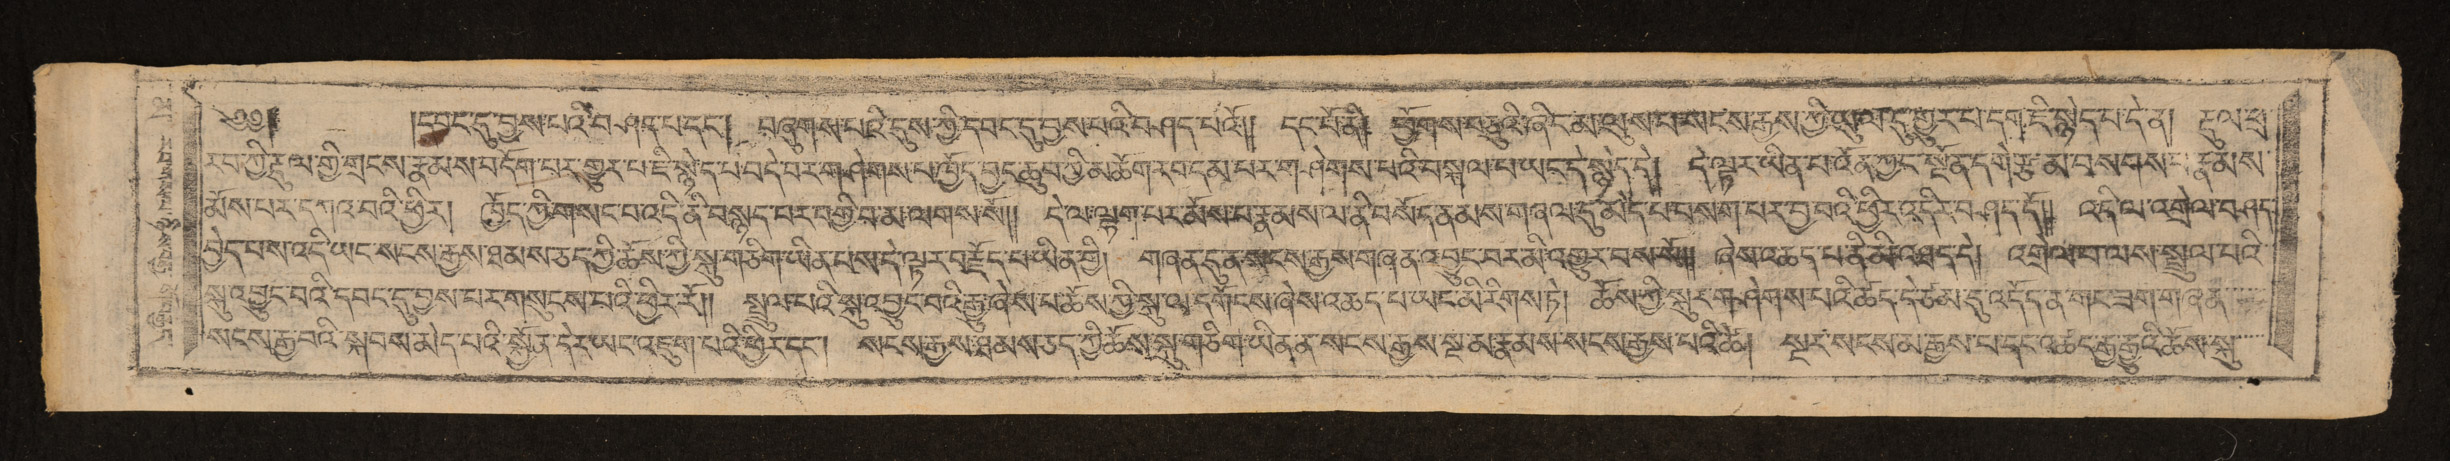༄༅། །དབང་དུ་བྱས་པའི་བཤད་པ་དང་། བཞུགས་པའི་དུས་ཀྱི་དབང་དུ་བྱས་པའི་བཤད་པའོ།། དང་པོ་ནི། ཕྱོགས་བཅུའི་ཞིང་མ་ལུས་པ་སངས་རྒྱས་ཀྱི་ཡུལ་དུ་གྱུར་པ་དག་ཇི་སྙེད་པ་དེ་ན། རྡུལ་ཕྲ་
རབ་ཀྱི་རྡུལ་གྱི་གྲངས་རྣམས་བདོག་པར་གྱུར་པ་ཇི་སྙེད་པ་བདེ་བར་གཤེགས་པ་ཁྱོད་བྱང་ཆུབ་ཀྱི་མཆོག་རབ་དམ་པར་གཤེགས་པའི་བསྐལ་པ་ཡང་དེ་སྙེད་དེ། དེ་ལྟར་ཡིན་པ་འོན་ཀྱང་སྔོན་དགེ་རྩ་མ་བསགས་པ་རྣམས་
མོས་པར་དཀའ་བའི་ཕྱིར། ཁྱོད་ཀྱི་གསང་བ་འདི་ནི་བསྙད་པར་བགྱི་བ་མ་ལགས་སོ།། དེ་ལ་ལྷག་པར་མོས་པ་རྣམས་ལ་ནི་བསོད་ནམས་གཞལ་དུ་མེད་པ་བསག་པར་བྱ་བའི་ཕྱིར་འདིར་བཤད་དོ།། འདི་ལ་འགྲེལ་བཤད་
བྱེད་པས་འདི་ཡང་སངས་རྒྱས་ཐམས་ཅད་ཀྱི་ཆོས་ཀྱི་སྐུ་གཅིག་ཡིན་པས་དེ་ལྟར་བརྗོད་པ་ཡིན་གྱི། གཞན་དུ་ན་སངས་རྒྱས་གཞན་འབྱུང་བར་མི་འགྱུར་བས་སོ།། ཞེས་འཆད་པ་ནི་མི་འཐད་དེ། འགྲེལ་པ་ལས་སྤྲུལ་པའི་
སྐུ་འབྱུང་བའི་དབང་དུ་བྱས་པར་གསུངས་པའི་ཕྱིར་རོ།། སྤྲུལ་པའི་སྐུ་འབྱུང་བའི་རྒྱུ་ཞེས་པ་ཆོས་ཀྱི་སྐུ་ལ་དགོངས་ཞེས་འཆད་པ་ཡང་མི་རིགས་ཏེ། ཆོས་ཀྱི་སྐུར་གཤེགས་པའི་ཚད་དེ་ཙམ་དུ་འདོད་ན་གང་ཟག་གཞན་
སངས་རྒྱ་བའི་སྐབས་མེད་པའི་སྐྱོན་དེར་ཡང་འཇུག་པའི་ཕྱིར་དང་། སངས་རྒྱས་ཐམས་ཅད་ཀྱི་ཆོས་སྐུ་གཅིག་ཡིན་ན་སངས་རྒྱས་སྔ་མ་རྣམས་སངས་རྒྱས་པའི་ཚེ། སྔར་སངས་མ་རྒྱས་པ་དང་འཚང་རྒྱ་རྒྱུའི་ཆོས་སྐུ་